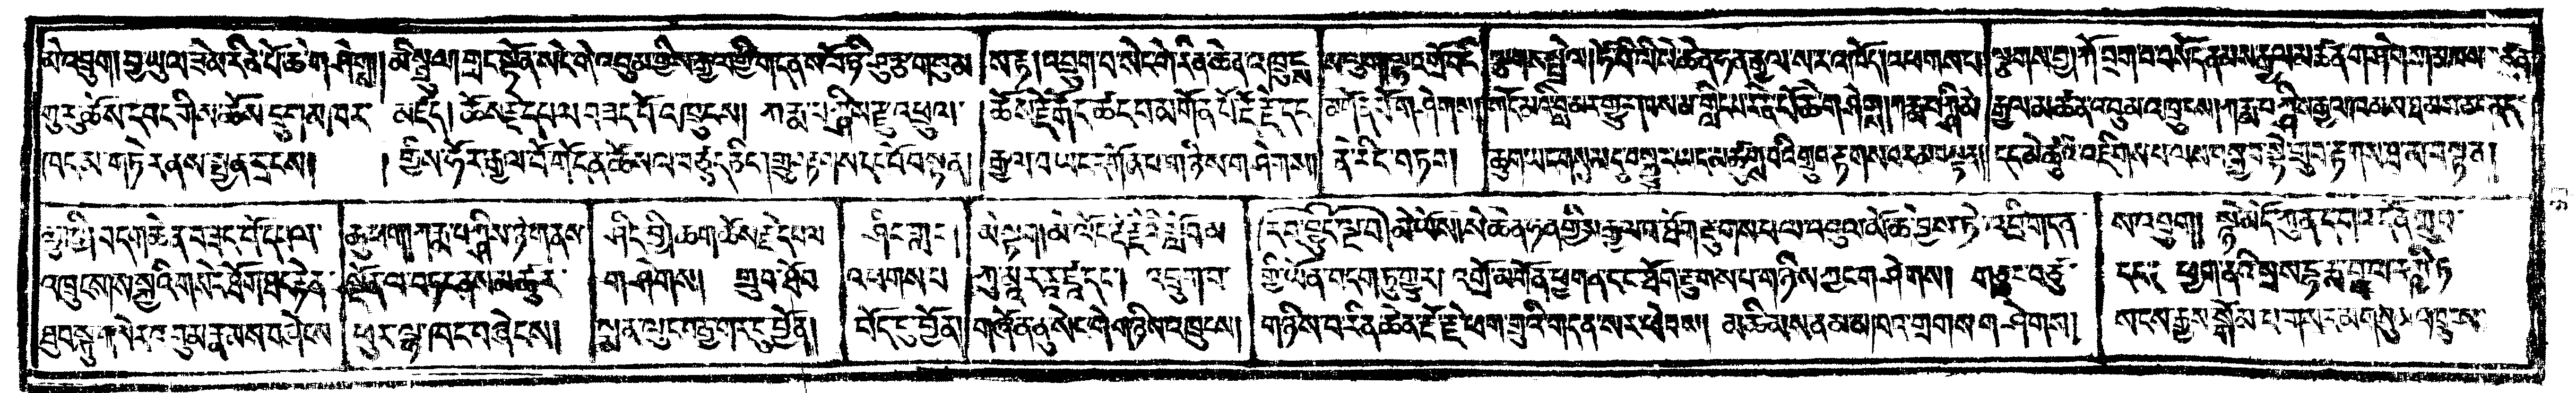མེ་འབྲུག། བྱ་ཡུལ་ཟེམ་རིན་པོ་ཆེ་གཤེགས། མི་སྠུལ?་།གྲང་སྟོན་སེང་གེ་འབུམ་གྱིས་རྒྱལ་གྱི་གདན་སོ་བ་ཉི་ཤུ་རྩ་གསུམ། ས་རྟ། འབྲུག་པ་སེང་གེ་རིན་ཆེན་འཁྲུངས། ས་བུག་ལྟ་འགྲོ་བི་ལྕགས་སྦྲེལ། ཏོ་བི་ལེ་ལེ་ཆེན་ཧན་རྒྱལ་སར་འཁོད། འཕགས་པ། ལྕགས་བྱ། ཀོ་བྲག་བ་བསོད་ནམས་རྒྱལ་མཚན་གཤེགས་། མཁས་བཙུན?
གུ་རུ་ཆོས་དབང་གིས་ཆོས་དྲུག་མཁར་མཛད། ཆོས་རྗེ་བཟང་པོ་ཡྰྑྲུངས། ཀརྨ་པཀྴིས་རྫུ་འཕྲུལ། ཆོས་རྗེ་རྒོད་ཚད་པ་མངོན་པོ་རྡོ་རྗེ་དང་མགོན་པོ་གཤེགས། གོང་མའི་བླ་མར་གྱུར། བསམ་གླིང་པ་རིན་པོ་ཆེ་གཤེགས། རྨ་པཀྴི་མེ་རྒྱལ་མཚན་འབུམ་འཁྲུངས། ཀརྨ་པཀྴིས་རྒྱལ་ཁམས་ཐམས་ཅད་ནད་
ཁང་མ་གཏེར་ནས་སྤྱན་དྲངས། །གྱིས་ཧོར་རྒྱལ་བོ་གོ་དན་ཆོས་ལ་བཙུད་ཅིང་། གྲུ་རྟགས་དང་པོ་བསྟན། རྒྱལ་བ་ཡང་དགོན་པ་གཉིས་གཤེགས། ནེ་རིང་བཏབ། ཆུ་གཡང་གསུམ་དུ་བསྐྲུར་ཡང་མཚུགས་བའི་གྲུབ་རྟགས་བར་མ་བསྟན། དང་མེ་ཚུའི་འཇིགས་པ་ལས་བསྐྱབ་སྟེ་གྲུབ་རྟགས་ཐ་མ་བསྟན།
???། བདག་ཆེན་བཟང་པོ་དཔལ་ཆུ་ཕག། ཀརྨ་པཀྴིས་ཉེ་གནས་ཤིང་བྱི། ཆག་ཆོས་རྗེ་དཔལ་ཤིང་གླང་། ཡེ་སྟག། མེ་ལོང་རྡོ་རྗེའི་སློབ་མ་དབ་བྱུང་ལྔ་བ་མེ་ཡོས། སེ་ཆེན་ཧན་གྱིས་རྒྱལ་བ་ཐོག་རྡུགས་པལ་བ་བུལ་མོ་ཆེ་བྱས་ཏེ་འབྲི་གདན་ས་འབྲུག། སྙེ་མོད་ཀུན་དགའ་དོན་ཀྲུབ་
འཁྲུངས། ས་སྐྱའི་གསེང་ཐོག་ཐང་རྟེན་སྔོན་པ་བཏང་ནས་མཚུར་གཤེགས། གྲུབ་ཐོབ་འཕགས་པ་ཀུ་མཱར་རཱ་ཛཱ་དང་། དྲུག་པ་གྱི་ཡོན་བདག་ཏུ་གྱུར། འགྲོ་མགོན་ཕྱག་ན་དང་ཐོག་རྡུགས་པ་གཉིས་ཀྱང་གཤེགས། བཅུང་བཙུ་དང་། ཕྱག་ནའི་སྲས་དྷརྨ་བལ་རཀྵྟ་
ཐུབ་སྐུ་གསེར་འབུམ་རྣམས་བཤེངས་ཕུར་ལྷ་ཁང་བཞེངས། སྨན་ལུང་བརྒྱ་གར་དུ་བྱོན། བོད་དུ་བྱོན། གཞོན་ནུ་སེང་གེ་གཉིས་འཁྲུངས། གཉིས་པ་རིན་ཆེན་རྡོ་རྗེ་ཕག་གྲུའི་གདན་སར་ཕེབས། མཆིམས་ནམ་མཁའ་གྲགས་གཤེགས་སངས་རྒྱས་སྒོམ་པགས་??་གསུམ་འཁྲུངས་